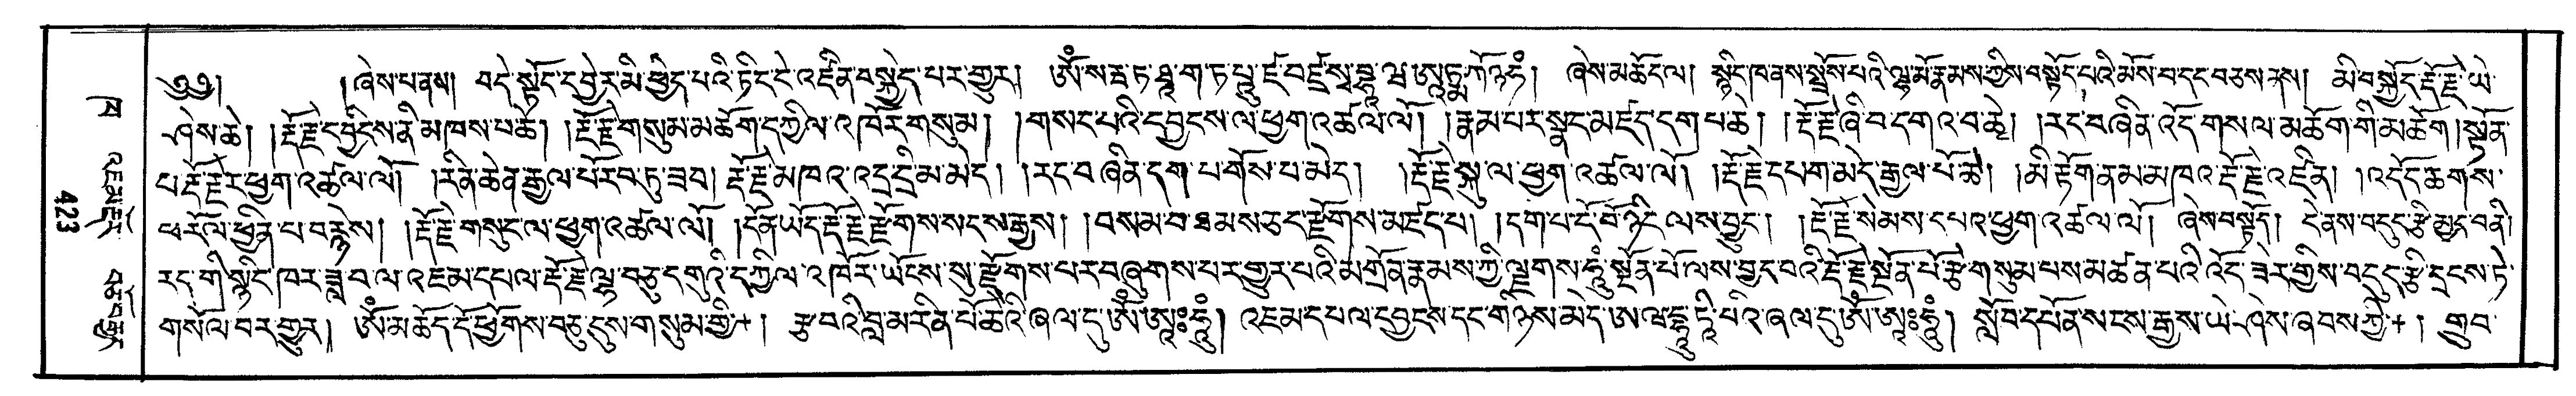༄༅། །ཞེས་པ་ནས། བདེ་སྟོང་དབྱེར་མི་ཕྱེད་པའི་ཏིང་ངེ་འཛིན་བསྐྱེད་པར་གྱུར། ཨོཾ་སརྦ་ཏ་ཐཱ་ག་ཏ་པཱུ་ཛ་བཛྲ་སྭ་བྷཱ་ཝ་ཨའྟྨ་ཀོཉྷཾ། ཞེས་མཆོད་ལ། སྙིང་ཁ་ནས་སྤྲོས་པའི་ལྷ་མོ་རྣམས་ཀྱིས་བསྟོད་པའི་མོས་པ་དང་བཅས་ནས། མི་བསྐྱོད་རྡོ་རྗེ་ཡེ་
ཤེས་ཆེ། །རྡོ་རྗེ་དབྱིངས་ནི་མཁས་པ་ཆེ། །རྡོ་རྗེ་གསུམ་མཆོག་དཀྱིལ་འཁོར་གསུམ། །གསང་བའི་དབྱངས་ལ་ཕྱག་འཚལ་ལོ། །རྣམ་པར་སྣང་མཛད་དག་པ་ཆེ། །རྡོ་རྗེ་ཞི་བ་དགའ་བ་ཆེ། །རང་བཞིན་འོད་གསལ་མཆོག་གི་མཆོག །སྟོན་
པ་རྡོ་རྗེར་ཕྱག་འཚལ་ལོ། །རིན་ཆེན་རྒྱལ་པོ་ར་བ་ཏུ་ཟབ། རྡོ་རྗེ་མཁའ་འདྲ་དྲི་མ་མེད། །རང་བཞིན་དག་པ་གོས་པ་མེད། །རྡོ་རྗེ་སྐུ་ལ་ཕྱག་འཚལ་ལོ། །རྡོ་རྗེ་དཔག་མེད་རྒྱལ་པོ་ཆེ། །མི་རྟོག་ནམ་མཁའ་རྡོ་རྗེ་འཛིན། །འདོད་ཆགས་
ཕ་རོལ་ཕྱིན་པ་བརྙེས། །རྡོ་རྗེ་གསུང་ལ་ཕྱག་འཚལ་ལོ། །དོན་ཡོད་རྡོ་རྗེ་རྫོགས་སངས་རྒྱས། །བསམ་པ་ཐམས་ཅད་རྫོགས་མཛད་པ། །དག་པ་ངོ་བོ་ཉིད་ལས་བྱུང་། །རྡོ་རྗེ་སེམས་དཔའ་ཕྱག་འཚལ་ལོ། ཞེས་བསྟོད། དེ་ནས་བདུད་རྩི་མྱང་བ་ནི། །
རང་གི་སྙིང་ཁར་ཟླ་བ་ལ་འཇམ་དཔལ་རྡོ་རྗེ་ལྷ་བཅུ་དགུའི་དཀྱིལ་འཁོར་ཡོངས་སུ་རྫོགས་པར་བཞུགས་པར་གྱུར་པའི་མགྲོན་རྣམས་ཀྱི་ལྗགས་ཧཱུཾ་སྔོན་པོ་ལས་བྱུང་བའི་རྡོ་རྗེ་སྔོན་པོ་རྩེ་གསུམ་པས་མཚན་པའི་འོད་ཟེར་གྱིས་བདུད་རྩི་དྲངས་ཏེ་
གསོལ་བར་གྱུར། ཨོཾ་མཆོད་དོ་ཕྱོགས་བཅུ་དུས་གསུམ་གྱི་+། རྩ་བའི་བླ་མ་རིན་པོ་ཆེའི་ཞལ་དུ་ཨོཾ་ཨཱཿ ཧཱུཾ། འཇམ་དཔལ་དབྱངས་དང་གཉིས་མེད་ཨ་ཝ་དྷཱུ་ཏཱི་པའི་ཞལ་དུ་ཨོཾ་ཨཱཿ ཧཱུཾ། སློབ་དཔོན་སངས་རྒྱས་ཡེ་ཤེས་ཞབས་ཀྱི་+། གྲུབ་